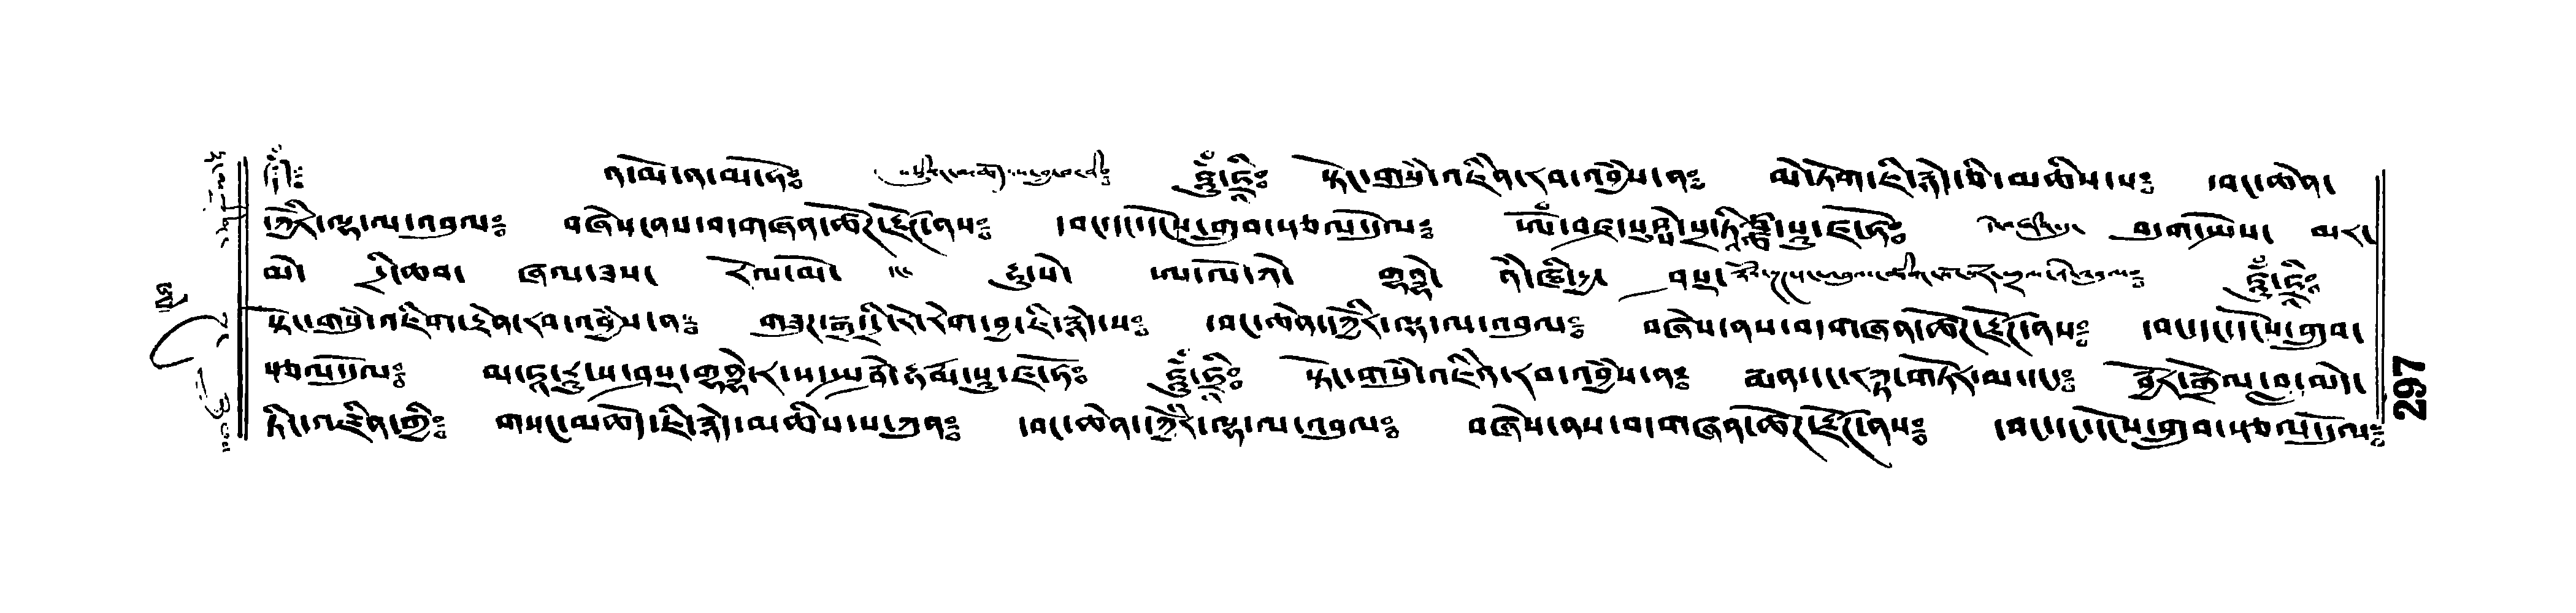ན་མོ་ན་མ་ཧོཿ བཅུ་གཅིག་མཆོད་པ་བྱ་བ་ནི༔ ཧཱུྃ་ཧྲཱི༔ སྟོང་གསུམ་འཇིག་རྟེན་རབ་འབྱམས་ན༔ མེ་ཏོག་ཇི་སྙེད་ཅི་མཆིས་པ༔ དབང་ཆེན་
དཀྱིལ་འཁོར་ལྷ་ལ་འབུལ༔ བཞེས་ནས་བདག་གཞན་ཚོགས་རྫོགས་ནས༔ དབང་དང་དངོས་གྲུབ་སྩལ་དུ་གསོལ༔ ཨོཾ་བཛྲ་པུཥྤེ་པྲ་ཏཱིཙྪ་པཱུ་ཛ་ཧོཿ དེ་བཞིན་དུ༔ བདུག་སྤོས༔ མར་
མེ༔ དྲི་ཆབ༔ ཞལ་ཟས༔ རོལ་མོ༔ དང༔ དྷུ་པེ༔ ཨ་ལོ་ཀེ༔ གྷནྡྷེ།༔ ནེ་ཝི་དྱ༔ ཤཔྡ༔ རྣམས་སྔགས་དང་འབུལ་ཚིག་སོ་སོར་ཕྲལ་ཏེ་འབུལ༔ ཧཱུྃ་ཧྲཱིཿ 
སྟོང་གསུམ་འཇིག་རྟེན་རབ་འབྱམས་ན༔ གཟུགས་སྒྲ་དྲི་རོ་རེག་བྱ་ཇི་སྙེད་པ༔ དབང་ཆེན་དཀྱིལ་འཁོར་ལྷ་ལ་འབུལ༔ བཞེས་ནས་བདག་གཞན་ཚོགས་རྫོགས་ནས༔ དབང་དང་དངོས་གྲུབ་
བསྩལ་དུ་གསོལ༔མ་ཧཱ་རཱུ་པ་ཤཔྡ་གྷནྡྷེ་ར་ས་སྤརྴེ་དྷརྨ་པཱུ་ཛ་ཧོཿ ཧཱུྃ་ཧྲཱིཿ སྟོང་གསུམ་འཇིག་རྟེན་རབ་འབྱམས་ན༔ སྨན་དང་རཀྟ་གཏོར་མ་དང༔ སྦྱོར་སྒྲོལ་བླ་མེད་
ཏིང་འཛིན་གྱི༔ གསང་མཆོད་ཇི་སྙེད་མཆིས་པ་ཀུན༔ དབང་ཆེན་དཀྱིལ་འཁོར་ལྷ་ལ་འབུལ༔ བཞེས་ནས་བདག་གཞན་ཚོགས་རྫོགས་ནས༔ དབང་དང་དངོས་གྲུབ་བསྩལ་དུ་གསོལ༔